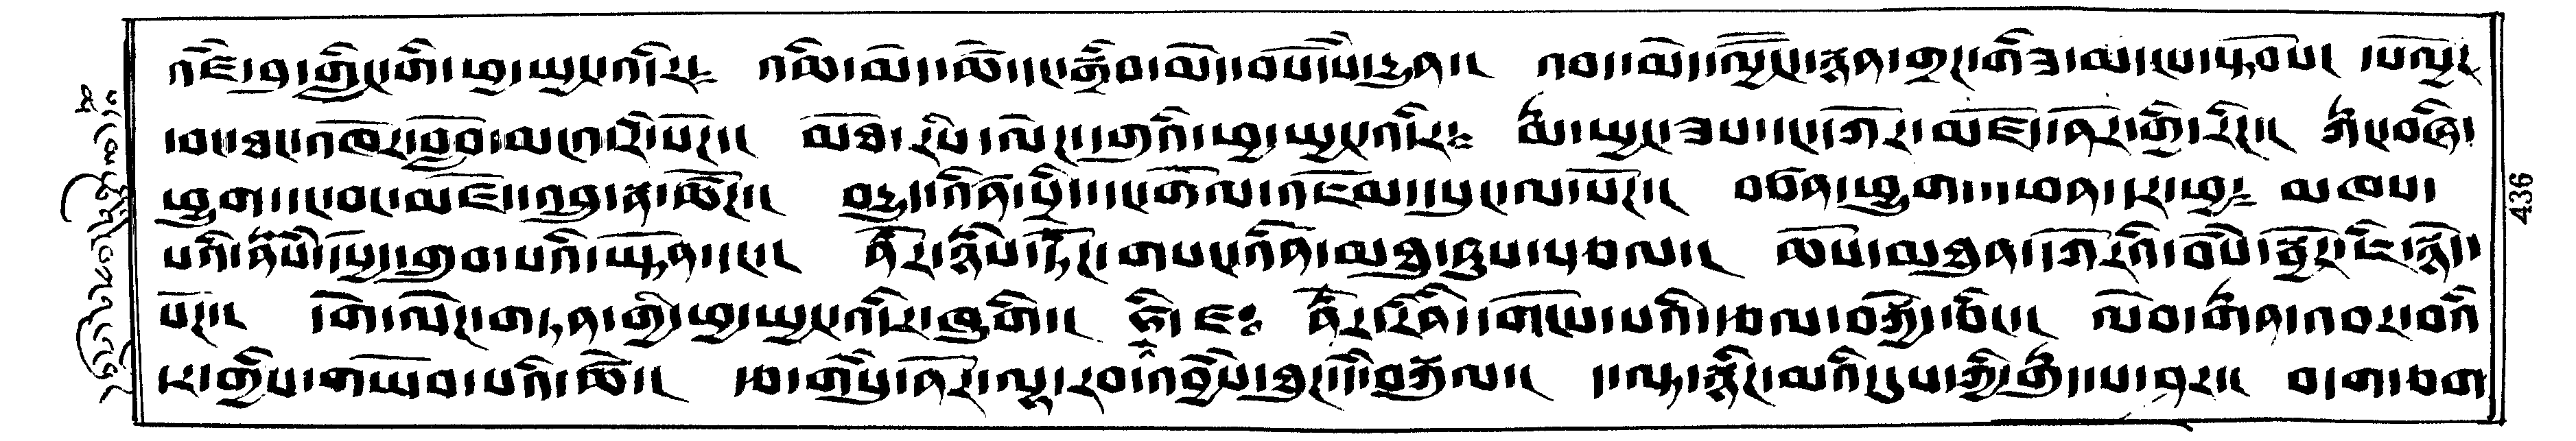།འཛམ་བུ་གླིང་གི་ཕྱྭ་གཡང་འདིར༴ འཆི་མེད་ཚེ་དང་སྒྲིབ་མེད་བསོད་ནམས་རྒྱུན། །འབད་མེད་ལོངས་སྤྱོད་སྙན་གྲགས་གཟི་མདངས་སྟོབས། །དཔལ་འབྱོར་
དབང་ཐང་འཁོར་སློབ་མངའ་རིས་སོགས། །མཐོ་རིས་ལེགས་དགུའི་ཕྱ་གཡང་འདིར༴ རྨ་གཡང་ཟས་དང་དཀོར་མཛོད་ནོར་གྱི་རིགས། །རྐང་བཞི་
ཕྱུགས་དང་བང་མཛོད་འབྲུ་སྣའི་ཚོགས། །བརྒྱུད་འཛིན་སྲིད་དང་རྒོལ་འཇོམས་དཔུང་ལ་སོགས། །བཙན་ཕྱུག་འཕན་དར་ཕྱྭ༴མཁས་
པའི་རྣམ་དཔྱོད་གྲུབ་པའི་ཡོན་ཏན་དང་། རྣལ་འབྱོར་ཉམས་རྟོགས་གསང་འཛིན་མཐུ་ནུས་རྩལ། ཆོས་མཐུན་དཀར་པོའི་བསམ་སྦྱོར་ཇི་སྙེད་
སོགས། །དགེ་ལེགས་གཏན་གྱི་ཕྱྭ་གཡངའདིར་ཁུག་ཅིག ཧྲཱི་ཛཿ རྣལ་འབྱོར་རིགས་འཛིན་དགོངས་པའི་རྩལ་བསྐྱེད་ཅིང་། །ལེ་རྒན་འབར་བའི་
དར་གྱིས་གཡོབ་པའི་ཚེ། །རྩ་གསུམ་ནོར་ལྷ་རབ་འབྱམས་ཐུགས་དམ་བསྐུལ། །ད་ལྟ་སྙིགས་མའི་དུས་ཀྱི་རྒུད་པ་ཤར། །བདག་ཅག་